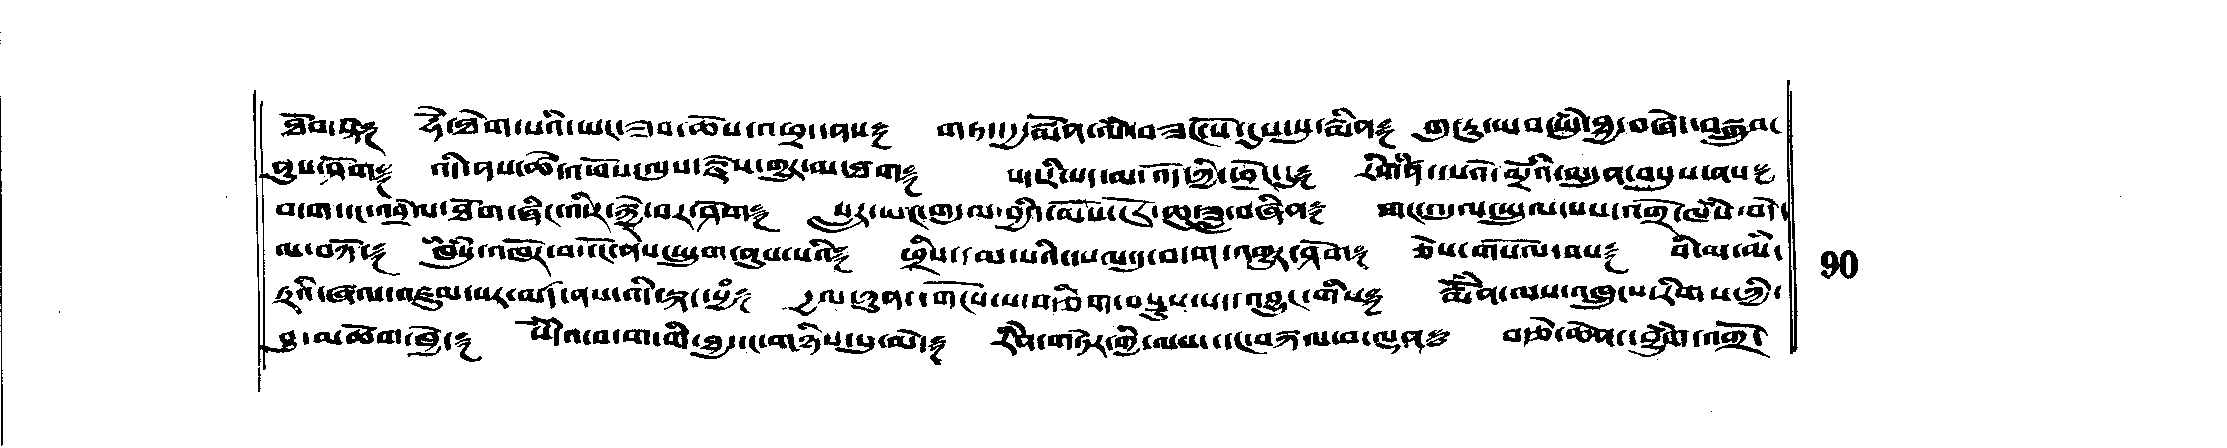ཐོབ་སྟེ། །རྡོ་རྗེ་ཐེག་པའི་ཡང་ཟབ་ཆོས་འཕྲད་ནས། །གཏད་རྒྱ་སྨོན་ལམ་བཟང་པོ་དུས་སུ་སྨིན། །གུ་རུ་ཡབ་ཡུམ་ཐུགས་བཞེད་བསྒྲུབ་
ནུས་ཤོག །འདི་ནས་ཚེ་འཕོས་ལུས་རྗེས་གྱུར་མ་ཐག །དཔལ་རི་པད་མ་འོད་ཀྱི་ཕོ་བྲང་དུ། །རིག་འཛིན་དཔའ་བོ་མཁའ་འགྲོས་མདུན་བསུས་ནས། །
བདག་དང་འབྲེལ་ཐོག་ཞིང་འདིར་སྐྱེ་བར་ཤོག །སླར་ཡང་གདུལ་བྱའི་མོས་ངོར་ཆུ་ཟླ་བཞིན། །གང་འདུལ་སྤྲུལ་པས་འགྲོ་ཁམས་བདེ་
ལ་བཀོད། །ཁམས་གསུམ་འཁོར་བ་དོང་ནས་སྤྲུག་ནུས་པའི། །ཕྲིན་ལས་དམ་པའི་དཔལ་དུ་བདག་འགྱུར་ཤོག །ཅེས་གསོལ་བས། བི་མ་མི་
ཏྲའི་ཞལ་འཛུམ་པར་མཛད་ནས་འདི་སྐད་གསུངས། རྒྱལ་ཀུན་དགོངས་པ་གཅིག་བསྡུས་པད་འབྱུང་གིས། །སྨོན་ལམ་ལས་འཁྲུངས་རིགས་ཀྱི་
བུ་མཆོག་ཁྱོད། །སེམས་དཔའ་བདག་གི་ཐུགས་དང་གཉིས་སུ་མེད། །རིན་ཆེན་གཏེར་གྱི་ལས་དང་སྐལ་བ་ལྡན། །བརྩེ་ཆེན་དབང་ཕྱུག་འགྲོ་